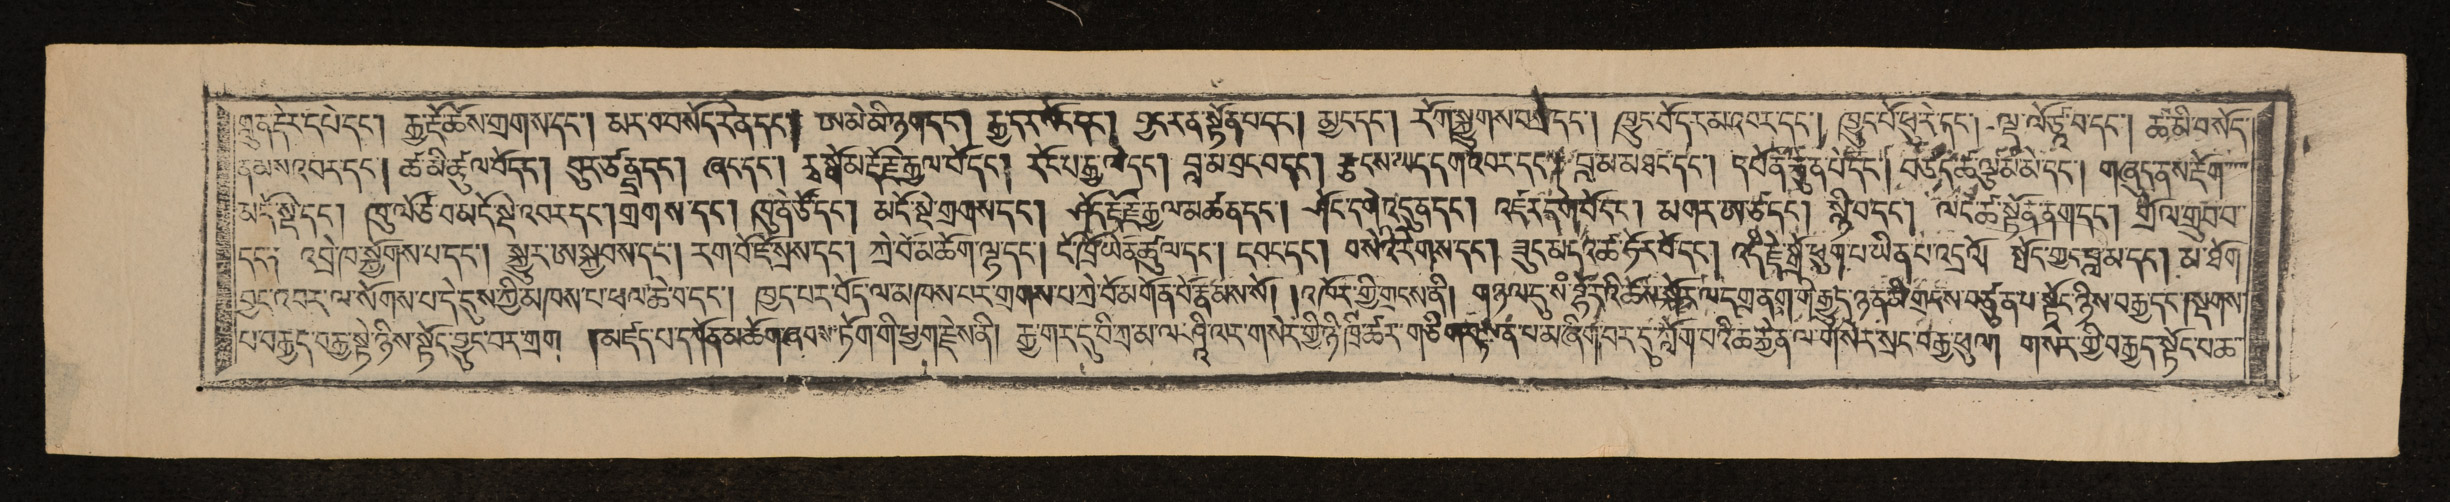གླུན་རྡོར་དཔེ་དང་། རྒྱ་རྡོ་ཆོས་གྲགས་དང་། མར་བ་བསོད་རིན་དང་། ཨ་མེ་མི་ཉག་དང་། རྒྱ་དར་སོང་དང་། བྱ་ངར་ན་སྟོན་པ་དང་། མྱང་དང་། རོག་སྐྱུགས་བསྲེ་དང་། ཁྱུང་པོ་དར་མ་འབར་དང་། ཁྱུང་པོ་ཕུ་རེ་དང་། ཝ་ལོ་ཙཱ་བ་དང་། ཚ་མི་བསོད་
ནམས་འབར་དང་། ཚ་མི་ཚུལ་བོ་དང་། པུར་ཙནྡྲ་དང་། ཞང་དང་། རྭ་སྒོམ་རྡོ་རྗེ་རྒྱལ་པོ་དང་། རོང་བ་རྒྱ་ལེ་དང་། བླ་མ་བྲང་བ་དང་། རྩངས་ཡང་དག་འབར་དང་། བླ་མ་མཐང་དང་། དབོན་རྐུན་པོ་དང་། བཙད་ཚ་ལྕམ་མེ་དང་། གཞུང་ནས་རྡོག་
མདོ་སྡེ་དང་། ཁུ་ལོ་ཙ་བ་མདོ་སྡེ་འབར་དང་། གྲགས་དང་། ཁུ་ནེ་ཙོ་དང་། མདོ་སྡེ་གྲགས་དང་། ཤོང་རྡོ་རྗེ་རྒྱལ་མཚན་དང་། ཤོང་དགེ་འདུན་དང་། འཛར་དགེ་བོ་དང་། མགར་ཨ་ཙ་དང་། སྙི་བ་དང་། ལང་ཚ་སྟོན་ནག་དང་། གྲོལ་གྲུབ་པ་
དང༑ འབྲེ་ཁ་སྐྱོགས་པ་དང་། སྐྱུར་ཨ་སྐྱབས་དང་། རག་པོ་ཇོ་སྲས་དང་། ཀྲེ་བོ་མཆོག་ལྷ་དང་། ངོ་ཁྲོ་ཡོན་ཚུལ་དང་། དབང་དང་། བསེའི་རིགས་དང་། ཟུར་མདའ་ཆ་ཧོར་བོ་དང་། འདི་རྗེ་སྒྲོ་ཕུག་པ་ཡིན་པ་འདྲའོ། སྤོང་གྱང་བླ་མ་དང་། མ་ཐོག་
བྱང་འབར་ལ་སོགས་པ་དེ་དུས་ཀྱི་མཁས་པ་ཕལ་ཆེ་བ་དང་། ཁྱད་པར་བོད་ལ་མཁས་པར་གྲགས་པ་ཀྲེ་བོ་མགོན་པོ་རྣམས་སོ། །འཁོར་གྱི་གྲངས་ནི། གཉལ་དུ་སཾ་བྷོ་རའི་ཆོས་སྐོར་ལ་དགྲ་ནག་གི་རྒྱུད་ཉན་མི་གྲངས་བཙུན་པ་སྟོང་ཉིས་བརྒྱ་དང་། སྔགས་
པ་བརྒྱད་བརྒྱ་སྟེ་ཉིས་སྟོང་བྱུང་བར་གྲག །མཛད་པ་དཀོན་མཆོག་ཞབས་ཏོག་གི་ཕྱག་རྗེས་ནི། རྒྱ་གར་དུ་བིཀྲ་མ་ལ་ཤཱི་ལར་གསེར་གྱི་ཉི་ཁྲི་ཚར་གཅིག་བསྟན་པ་མ་ཞིག་བར་དུ་ཀློག་པའི་ཆ་རྐྱེན་ལ་གསེར་སྲང་བརྒྱ་ཕུལ། གསེར་གྱི་བརྒྱད་སྟོང་པ་ཆ་